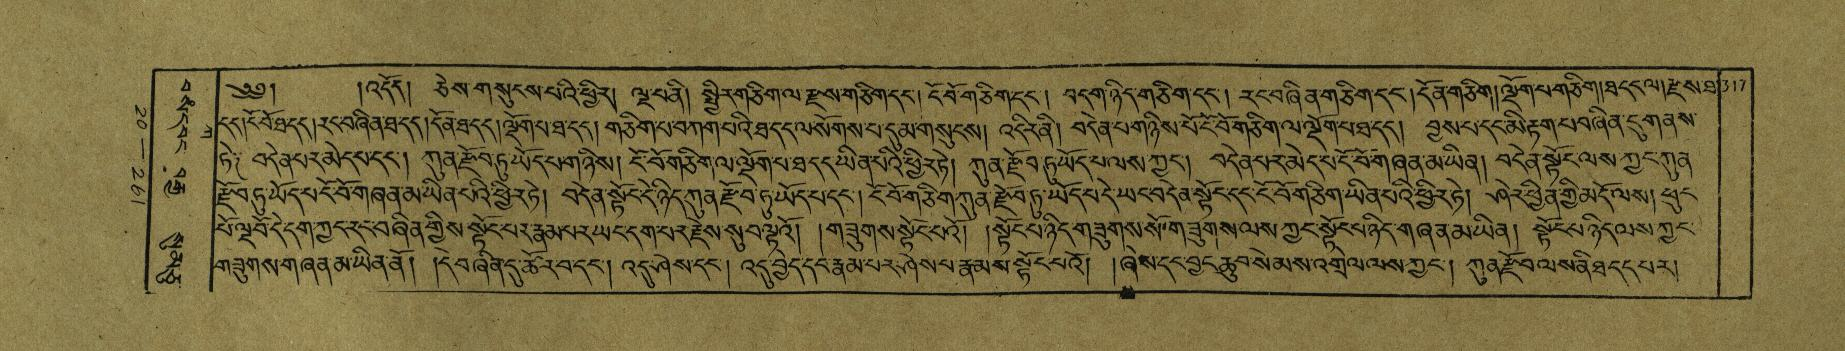༄༅། །འདོད། ཅེས་གསུངས་པའི་ཕྱིར། ལྔ་པ་ནི། སྤྱིར་གཅིག་ལ་རྫས་གཅིག་དང་། ངོ་བོ་གཅིག་དང་། བདག་ཉིད་གཅིག་དང་། རང་བཞིན་གཅིག་དང་། དོན་གཅིག །ལྡོག་པ་གཅིག །ཐ་དད་ལ། རྫས་ཐ་
དང་།ངོ་བོ་ཐ་དད། རང་བཞིན་ཐ་དད། དོན་ཐ་དད། ལྡོག་པ་ཐ་དད། གཅིག་པ་བཀག་པའི་ཐ་དད་ལ་སོགས་པ་དུ་མ་གསུངས། འདིར་ནི། བདེན་པ་གཉིས་པོ་ངོ་བོ་གཅིག་ལ་ལྡོག་པ་ཐ་དད། བྱས་པ་དང་མི་རྟག་པ་བཞིན་དུ་གནས་
ཏེ༑ བདེན་པར་མེད་པ་དང་། ཀུན་རྫོབ་ཏུ་ཡོད་པ་གཉིས། ངོ་བོ་གཅིག་ལ་ལྡོག་པ་ཐ་དད་ཡིན་པའི་ཕྱིར་ཏེ། ཀུན་རྫོབ་ཏུ་ཡོད་པ་ལས་ཀྱང་། བདེན་པར་མེད་པ་ངོ་བོ་གཞན་མ་ཡིན། བདེན་སྟོང་ལས་ཀྱང་ཀུན་
རྫོབ་ཏུ་ཡོད་པ་ངོ་བོ་གཞན་མ་ཡིན་པའི་ཕྱིར་ཏེ། བདེན་སྟོང་དེ་ཉིད་ཀུན་རྫོབ་ཏུ་ཡོད་པ་དང་། ངོ་བོ་གཅིག་ཀུ༨ན་རྫོབ་ཏུ་ཡོད་པ་དེ་ཡང་བདེན་སྟོང་དང་ངོ་བོ་གཅིག་ཡིན་པའི་ཕྱིར་ཏེ། ཤེར་ཕྱིན་གྱི་མདོ་ལས། ཕུང་
པོ་ལྔ་བོ་དེ་དག་ཀྱང་རང་བཞིན་གྱིས་སྟོང་པར་རྣམ་པར་ཡང་དག་པར་རྗེས་སུ་བལྟའོ། །གཟུགས་སྟོང་པའོ། །སྟོང་པ་ཉིད་གཟུགས་སོ་གཟུགས་ལས་ཀྱང་སྟོང་པ་ཉིད་གཞན་མ་ཡིན། སྟོང་པ་ཉིད་ལས་ཀྱང་
གཟུགས་གཞན་མ་ཡིན་ནོ། །དེ་བཞིན་དུ་ཚོར་བ་དང་། འདུ་ཤེས་དང་། འདུ་བྱེད་དང་རྣམ་པར་ཤེས་པ་རྣམས་སྟོང་པའོ། །ཞེས་དང་བྱང་ཆུབ་སེམས་འགྲེལ་ལས་ཀྱང་། ཀུན་རྫོབ་ལས་ནི་ཐ་དད་པར།